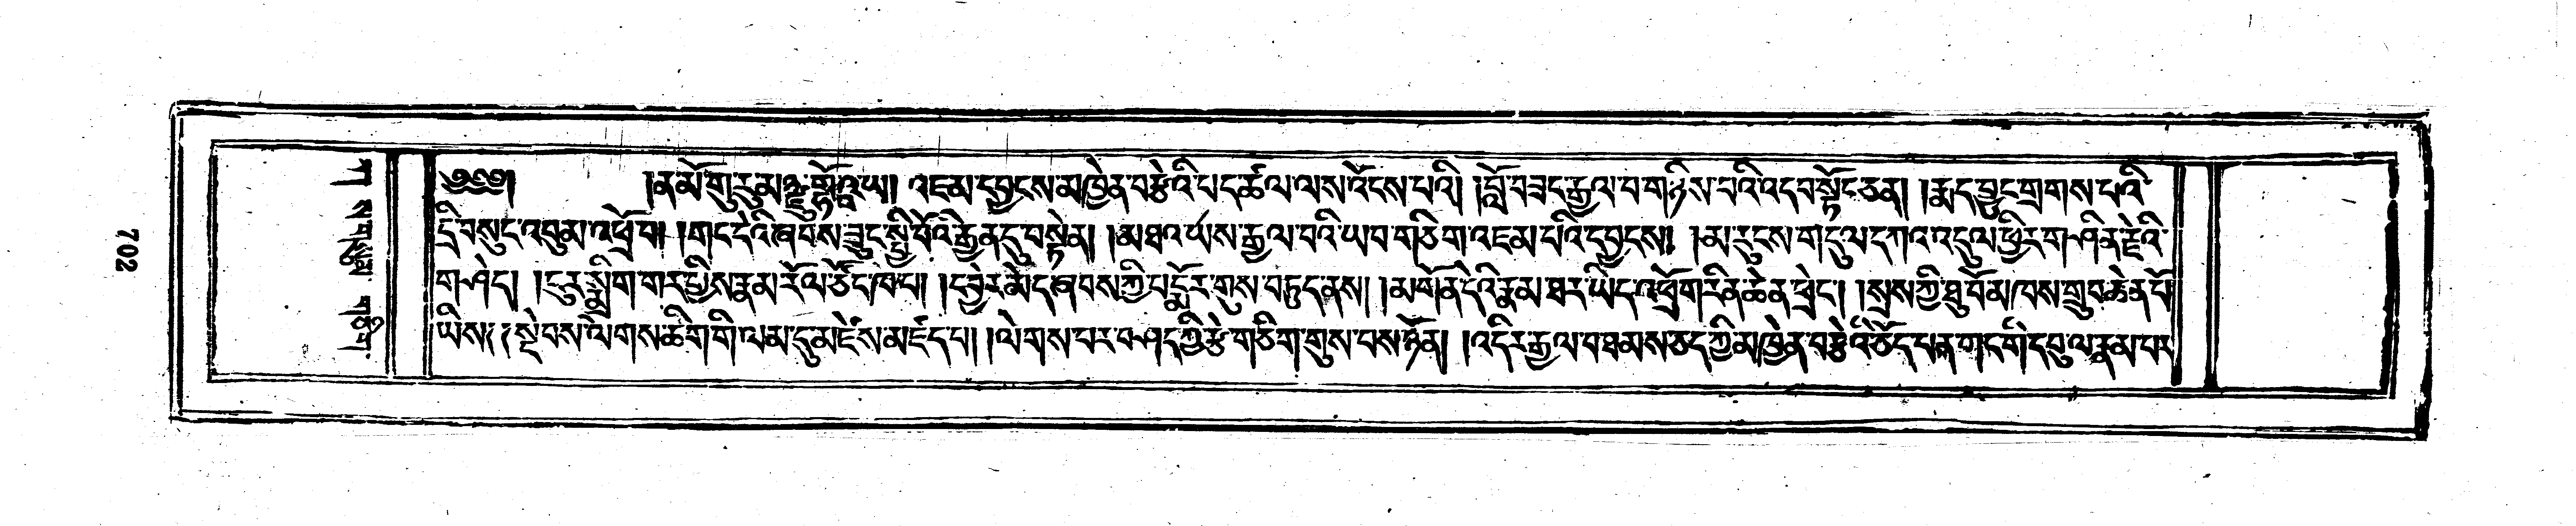༄༅། །ན་མོ་གུ་རུ་མཉྫུ་གྷོ་ཥཱ་ཡ། འཇམ་དབྱངས་མཁྱེན་བརྩེའི་པད་ཚལ་ལས་འོངས་པའི། །བློ་བཟང་རྒྱལ་བ་གཉིས་པའི་འདབ་སྟོང་ཅན། །རྨད་བྱུང་གྲགས་པའི་
དྲི་བསུང་འབུམ་འཕྲོ་བ། །གང་དེའི་ཞབས་ཟུང་སྤྱི་བོའི་རྒྱན་དུ་བསྟེན། །མཐའ་ཡས་རྒྱལ་བའི་ཡབ་གཅིག་འཇམ་པའི་དབྱངས། །མ་རུངས་གདུལ་དཀའ་འདུལ་ཕྱིར་གཤིན་རྗེའི་
གཤེད། །ངུར་སྨྲིག་གར་གྱིས་རྣམ་རོལ་ཙོང་ཁ་པ། །དབྱེར་མེད་ཞབས་ཀྱི་པདམོར་གུས་བཏུད་ནས། །མགོན་དེའི་རྣམ་ཐར་ཡིད་འཕྲོག་རིན་ཆེན་ཕྲེང་། །སྲས་ཀྱི་ཐུ་བོ་མཁས་གྲུབ་ཆེན་པོ་
ཡིས། །སྡེབས་ལེགས་ཚིག་གི་ལམ་དུ་མཛེས་མཛད་པ། །ལེགས་པར་བཤད་ཀྱི་རྩེ་གཅིག་གུས་པས་ཉོན། །འདིར་རྒྱལ་བ་ཐམས་ཅད་ཀྱི་མཁྱེན་བརྩེའི་ཅོད་པན་གང་གི་དབུ་ལ་རྣམ་པར་